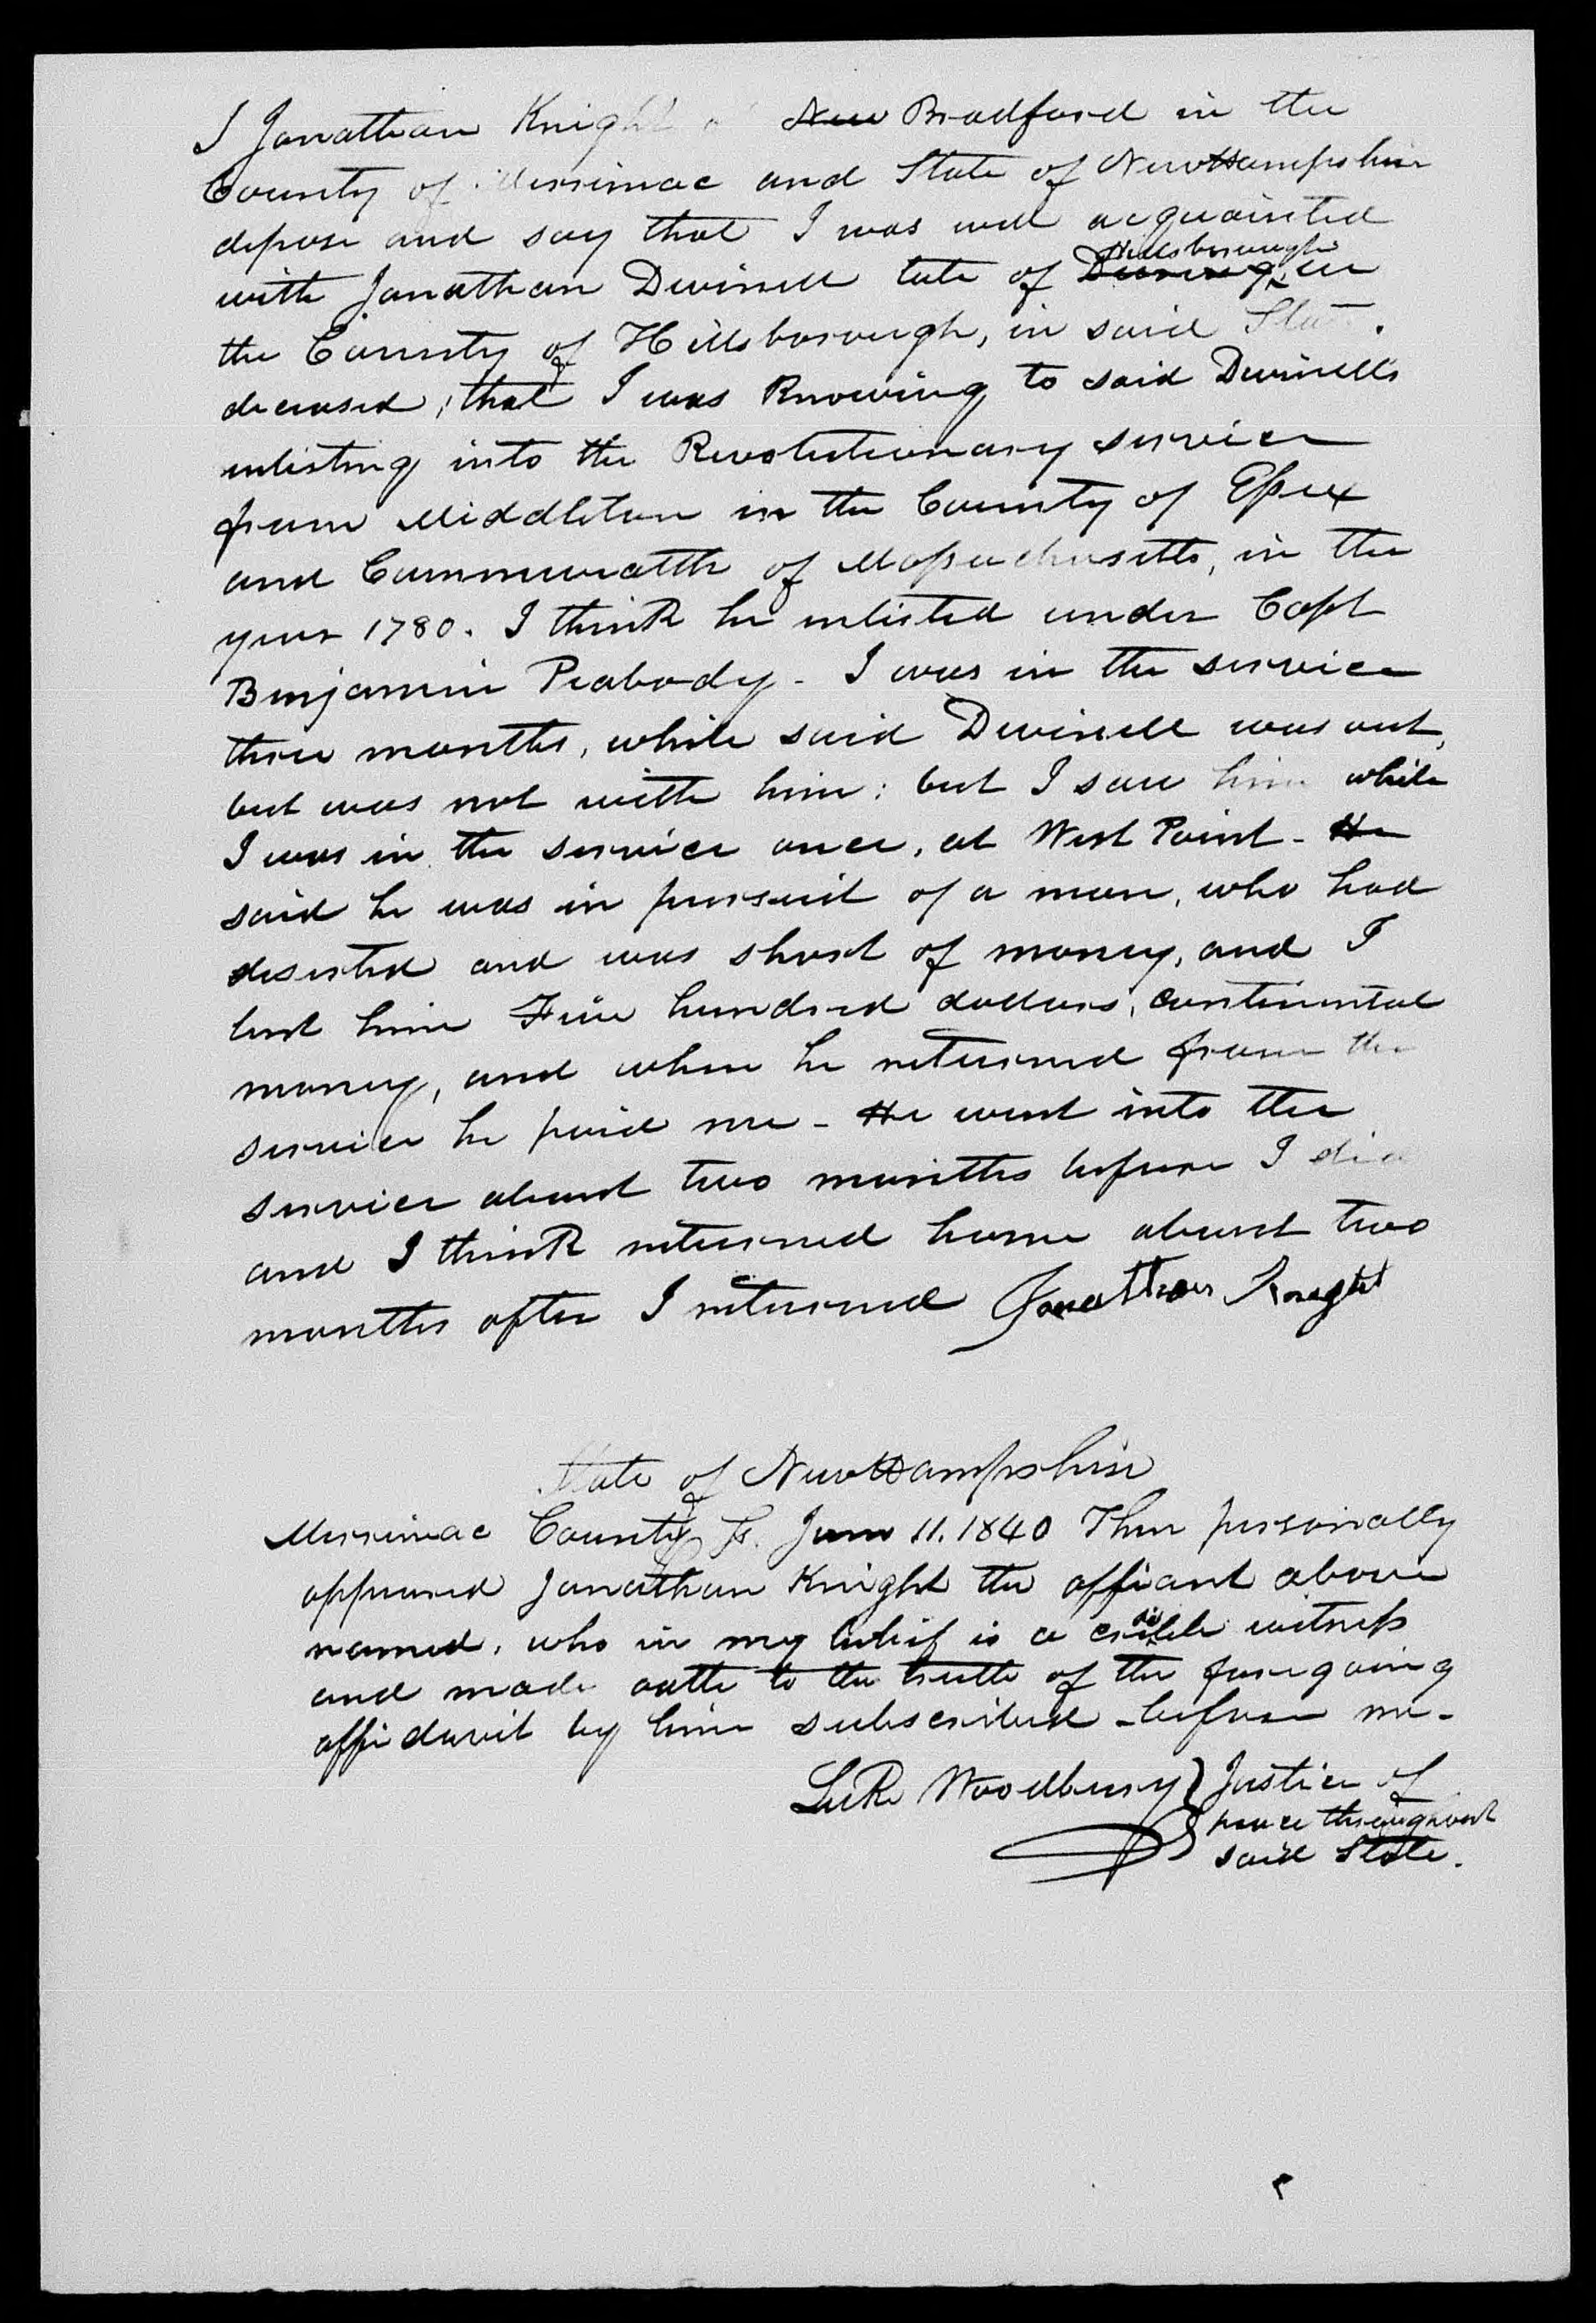I Jonathan Knight of New Bradford in the County of Merrimac and State of New Hampshire depose and say that I was well acquainted with Jonathan Dwinell late of [illegible, crossed out] Hillsborough in the County of Hillsborough, in said State. deceased; that I was R[illegible]ing to said Dwinell's enlisting into the Revolutionary service from Middleton in the County of Essex and Commonwealth of Massachusetts, in the year 1780.  I think he enlisted under Capt Benjamin Peabody.  I was in the service three months, while said Dwinell was out, but was not with him; but I saw him while I was in the service once, at West Point.  He said he was in pursuit of a man, who had deserted and was short of money, and I lent him Five hundred dollars; continental money, and when he returned from the service he paid me.  He went into the service about Two months before I did and I think returned home about Two months after I returned Jonathan Knight State of New Hampshire Merrimac County Ss. June 11, 1840 there personally appeared Jonathan Knight the affiant above named, who in my belief is a creditable witness and made oath tho the truth of the foregoing affidavit by him subscribed. before me.  Luke Woodbury } Justice of peace throughout said State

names: Luke Woodbury, Dwinell, Jonathan Dwinell, Jonathan Knight, Jonathan Knight, Benjamin Peabody, Jonathan Knight, Dwinell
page: 20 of 22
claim: widow's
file: W. 22984, John Dwinnell, Mass.